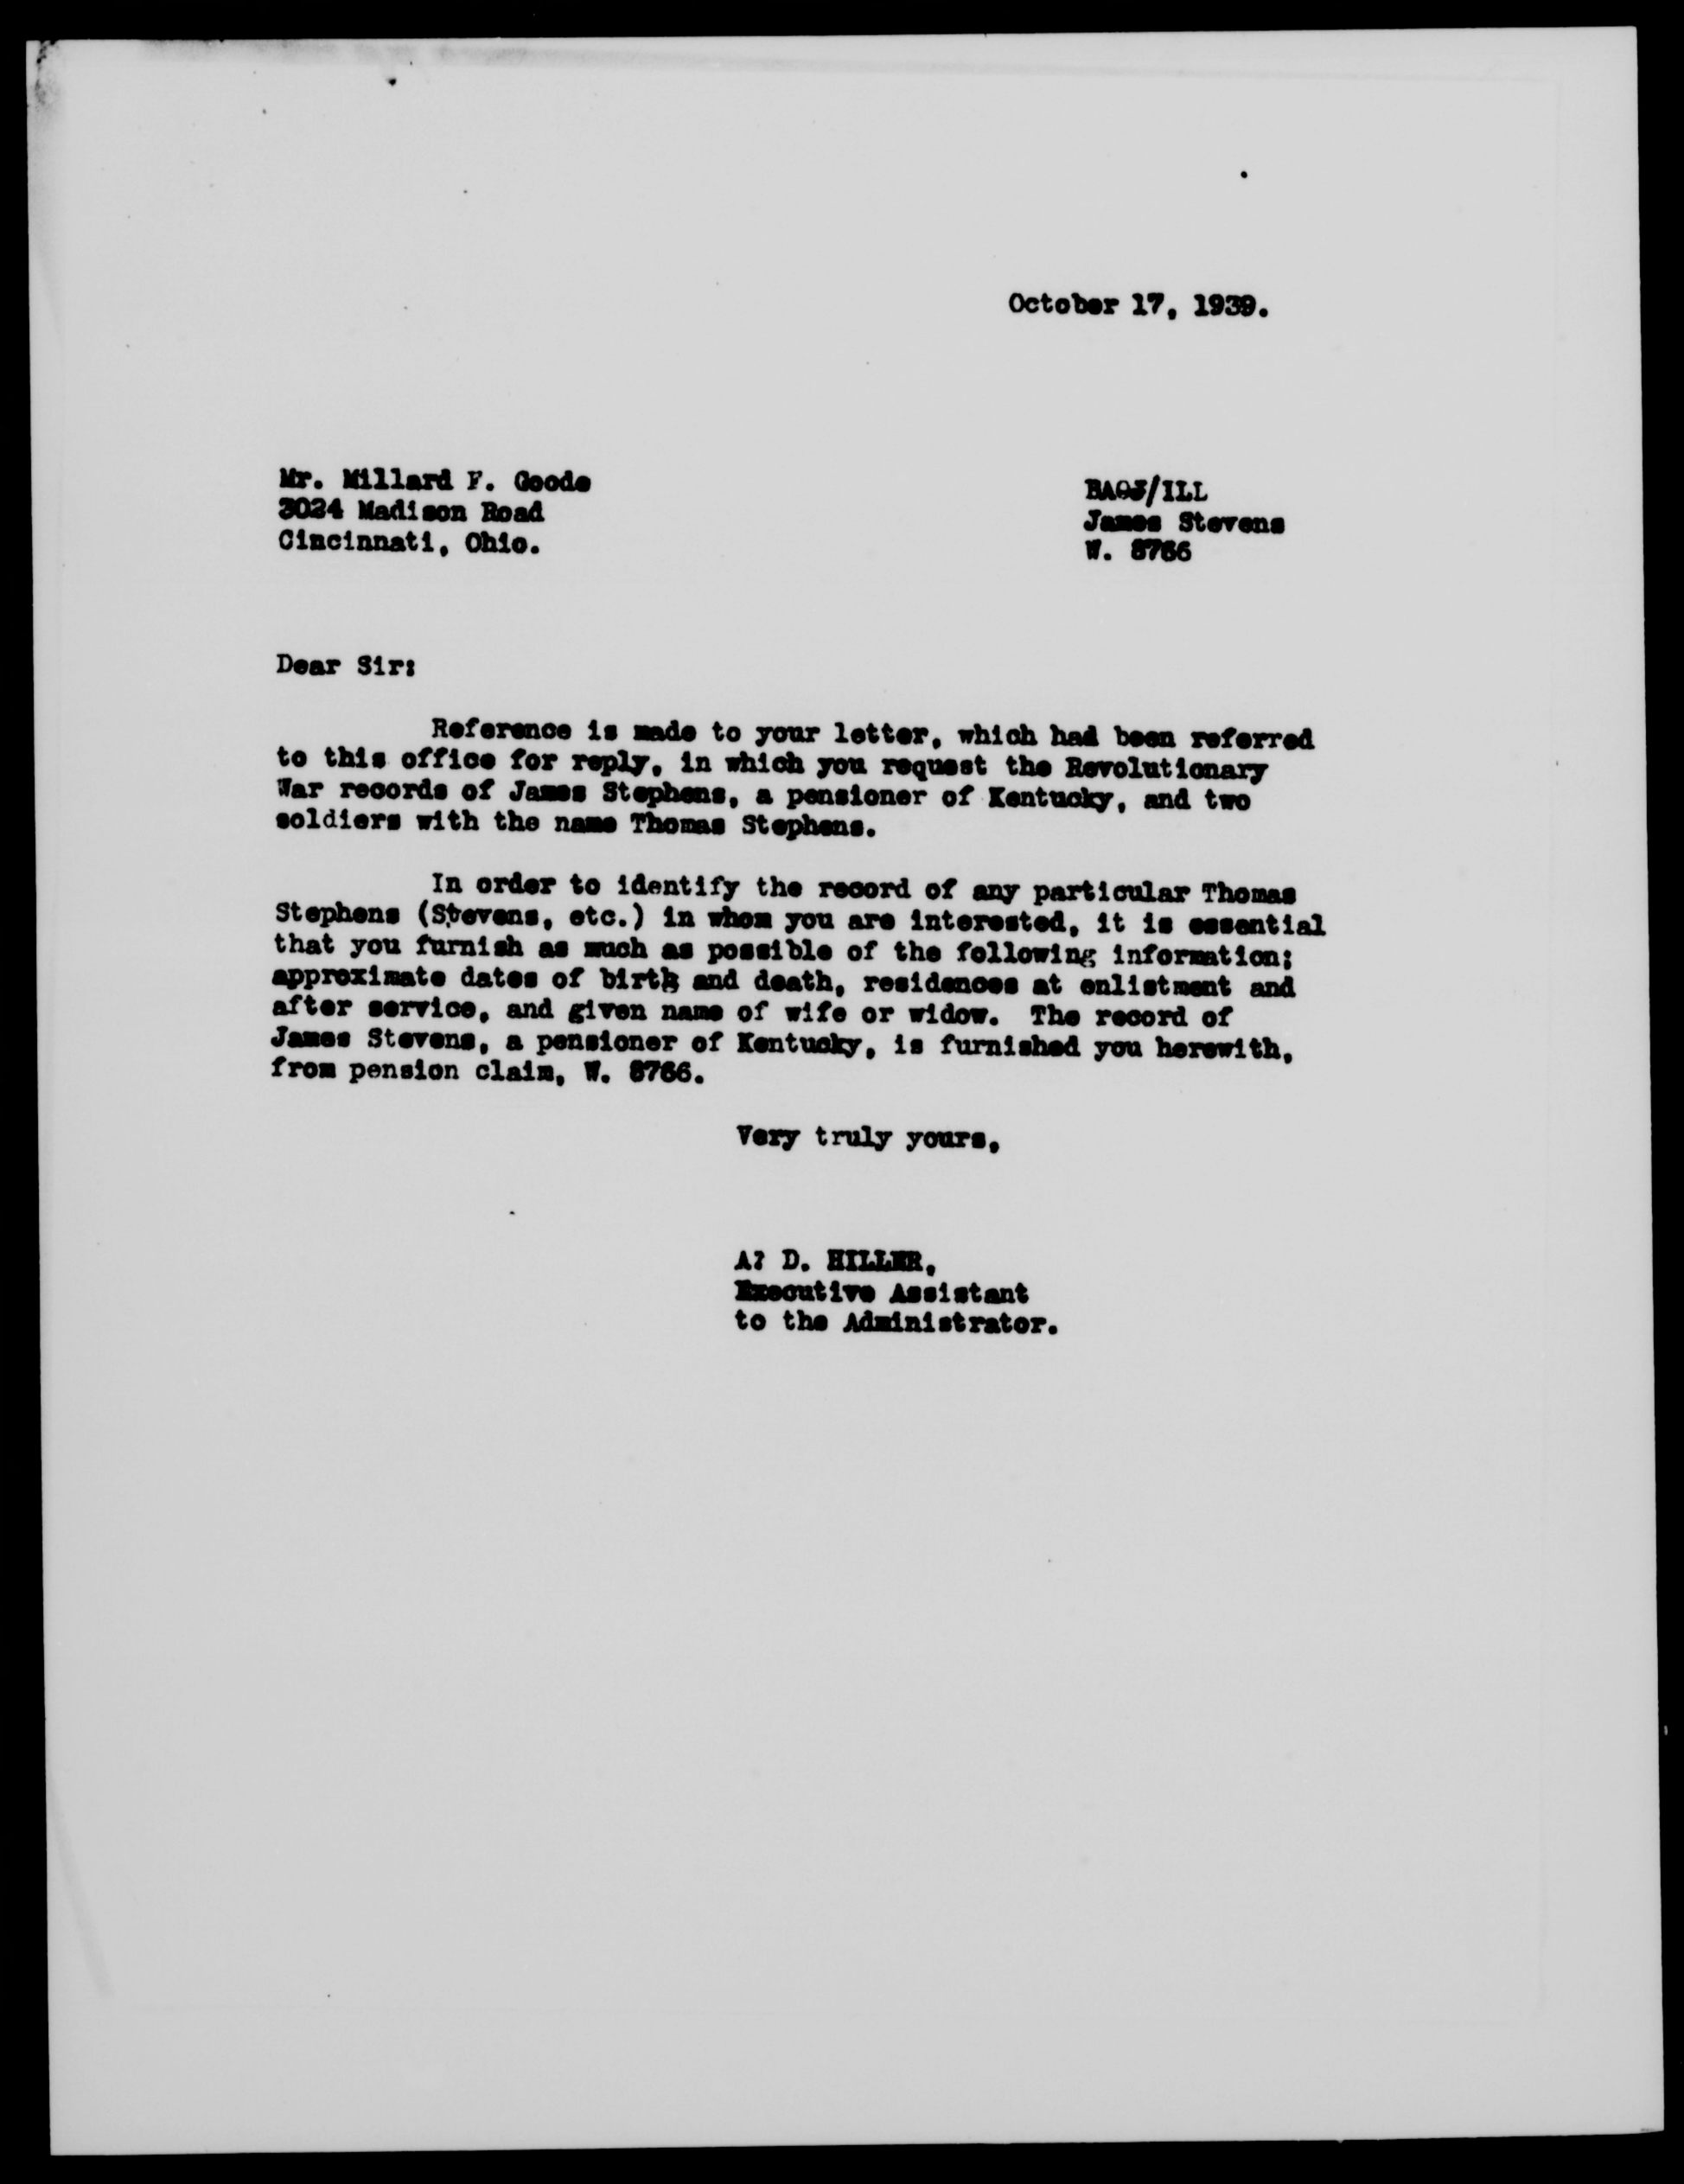October 17, 1939.
Mr. Millard F. Goode
3024 Madison Road
Cincinnati, Ohio.
BAO3/ILL
James Stevens
W. 8766
Dear Sir:
Reference is made to your letter, which had been referred to this office for reply, in which you request the Revolutionary War
records of James Stephens, a pensioner of Kentucky, and two soldiers with the name Thomas Stephens.
In order to identify the record of any particular Thomas Stephens ( Stevens, etc.) in whom you are interested, it is essential that you furnish as much as possible of the following information:
approximate dates of birth and death, residence at enlistment and after service, and given name of wife or widow. The record of James Stevens, a pensioner of Kentucky, is furnished you herewith,
from pension claim, W. 8766.
Very truly yours,
A. D. HILLER.
Executive Assistant
to the Administrator.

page: 27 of 99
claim: widow's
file: W 8766, for James Stevens, Virginia